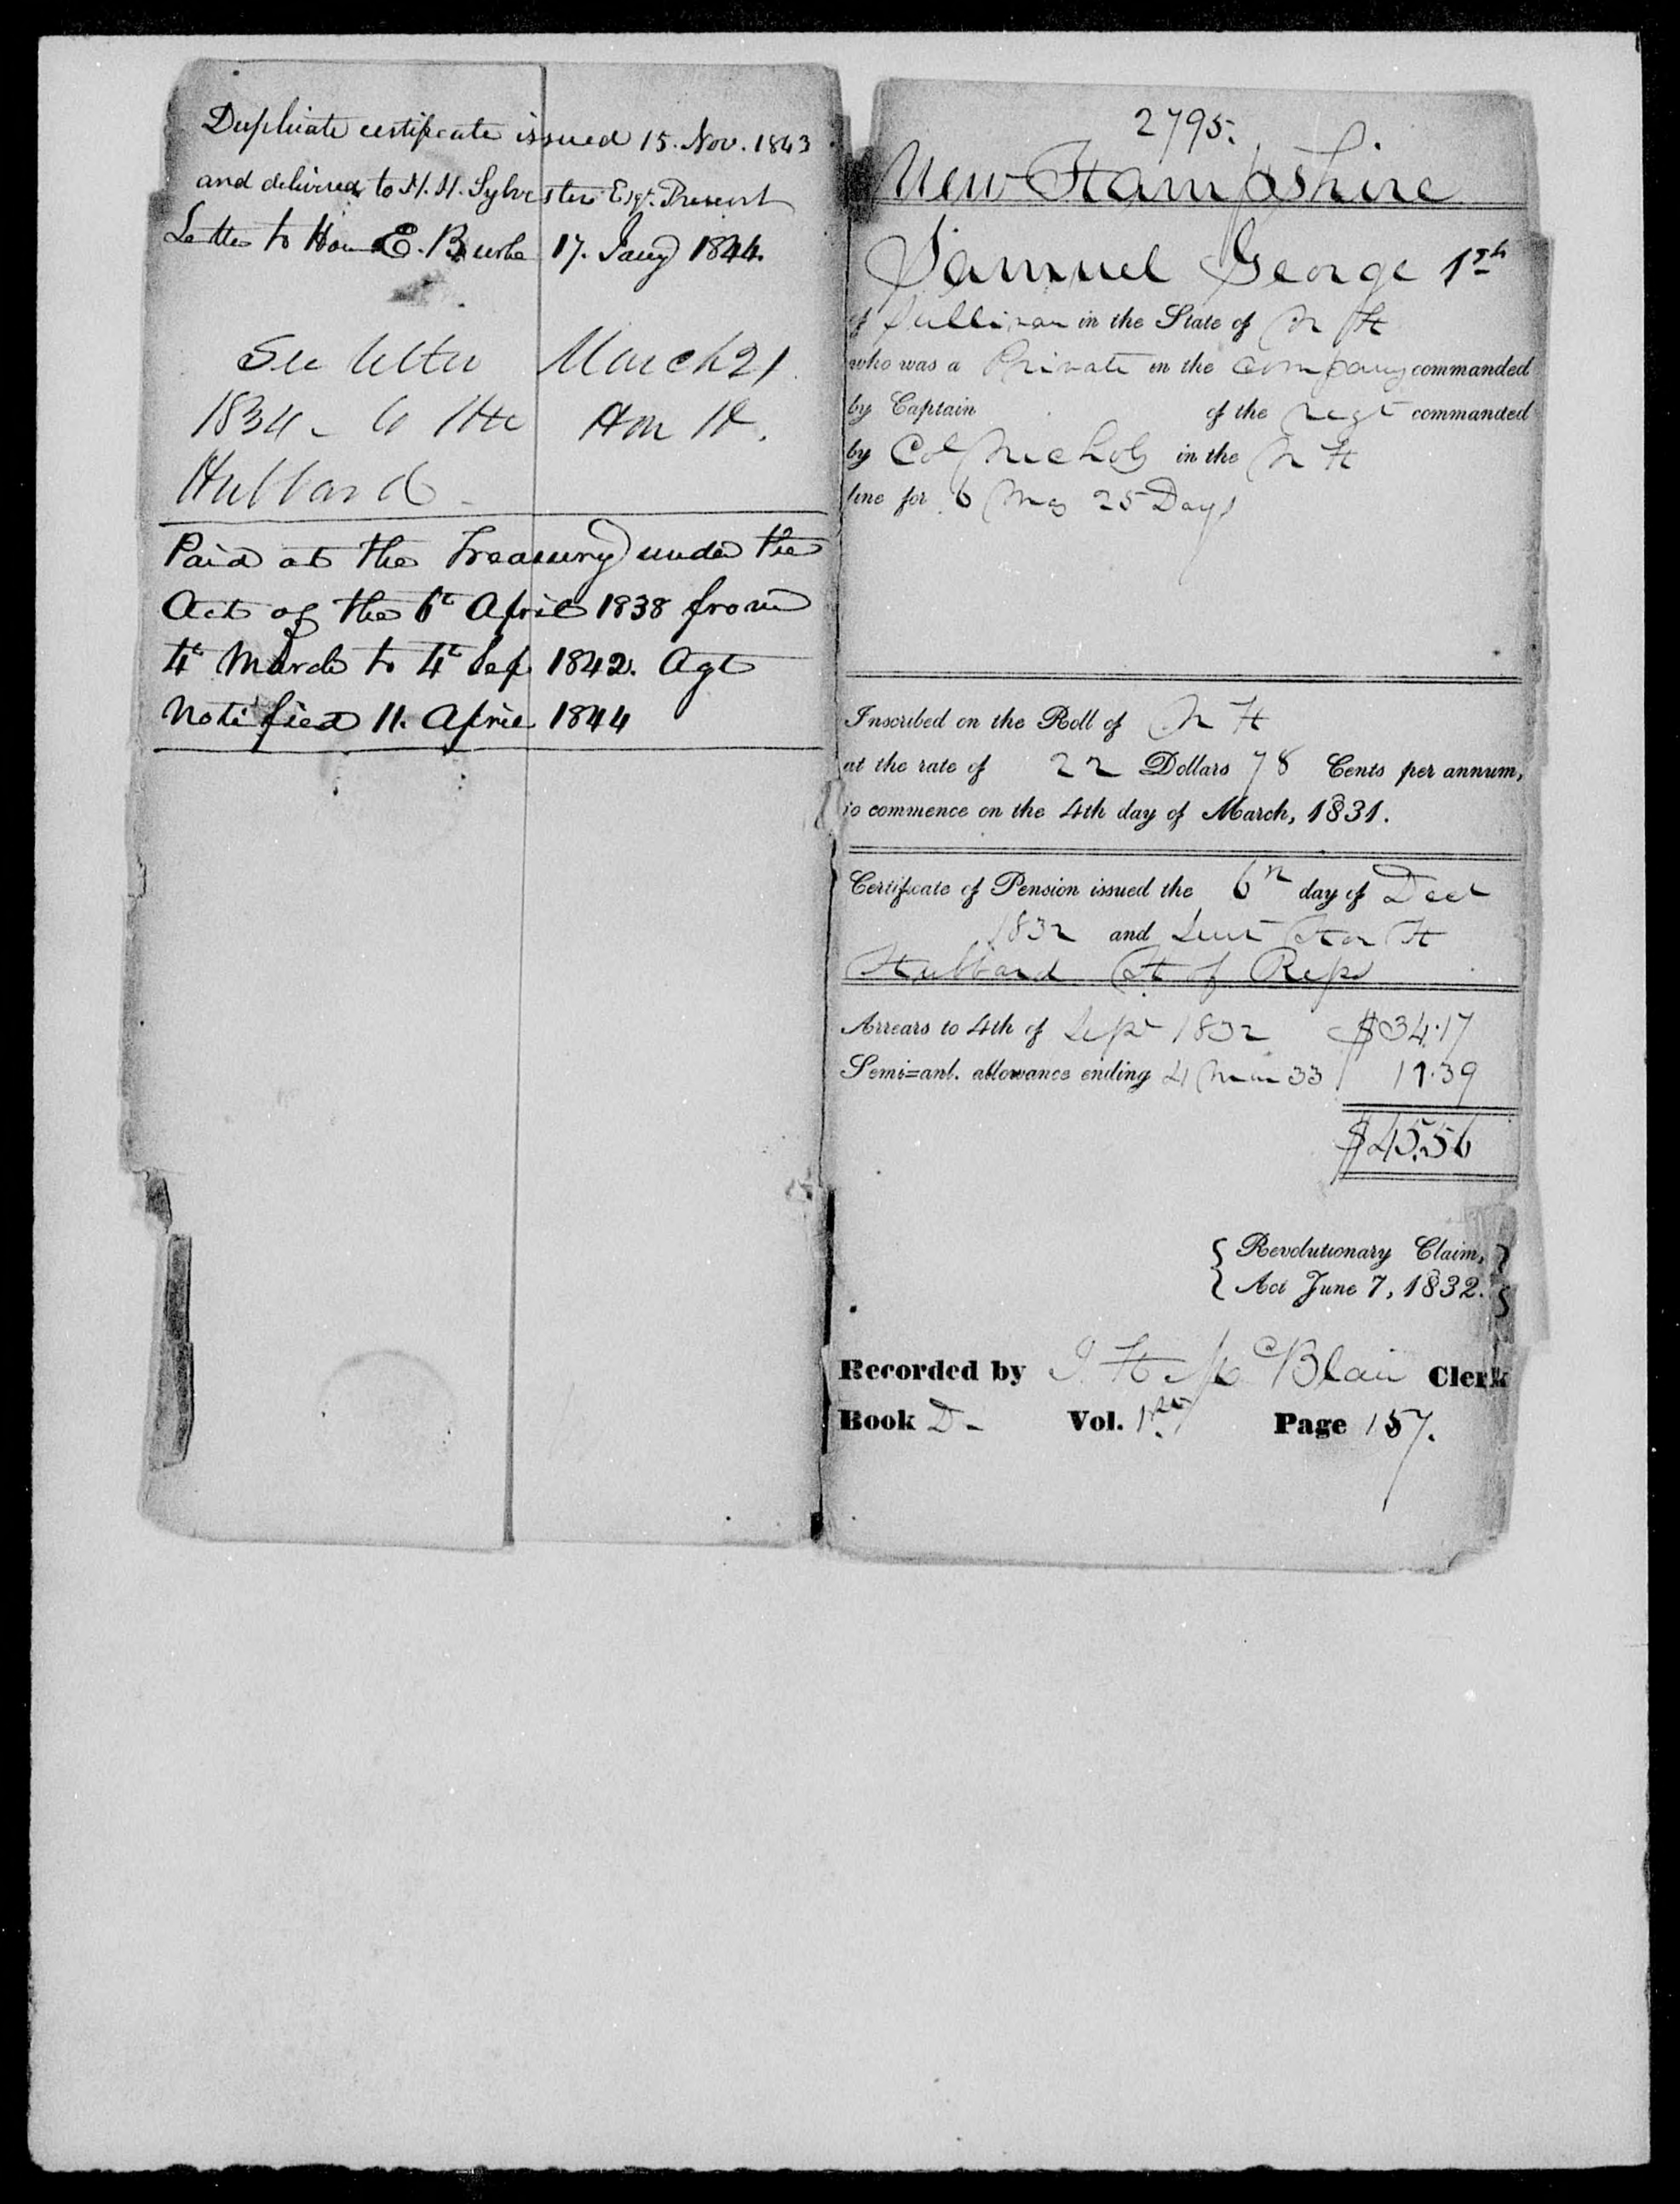Duplicate certificate issued 15.Nov.1843 and delivered to N.H. Sylvester Esq. Present Letters to Hon. E. Burke 17.Jany 1844.

See letter March 21 1834 to the Hon. H. Hubbard.

Paid at the Treasury under this Acts of the 6th April 1838 from 4th March to 4th Sep 1842. Agt notified 11.April 1844.

2795.
New Hampshire

Samuel George 1st of Sullivan in the State of N. H. who was a Private on the company commanded by Captain [left blank] of the regt commanded by Col. Nichols in the N.H. line for 6 Mos 25 Days.

Inscribed on the Roll of N.H. at the rate of 22 Dollars 78 Cents per annum, to commence on the 4th day of March, 1831.

Certificate of Pension issued the 6th day of Dec 1832 and the Hon H Hubbard H of Reps

Arrears to 4th of Sept 1832 $34.17
Semi=anl. allowance ending 4 March 33 17.39
$45.56

Revolutionary Claim,
Act June 7, 1832.

Recorded by  I. Ft Jrs Blair Clerk 
Book D Vol 1 Page 154.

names: E Burke, H Hubbard, H Hubbard, J H Mc Blair, Samuel George, H H Sylvester, Nichols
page: 2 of 19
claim: survivor's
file: S. 15140, Samuel George, N.H.